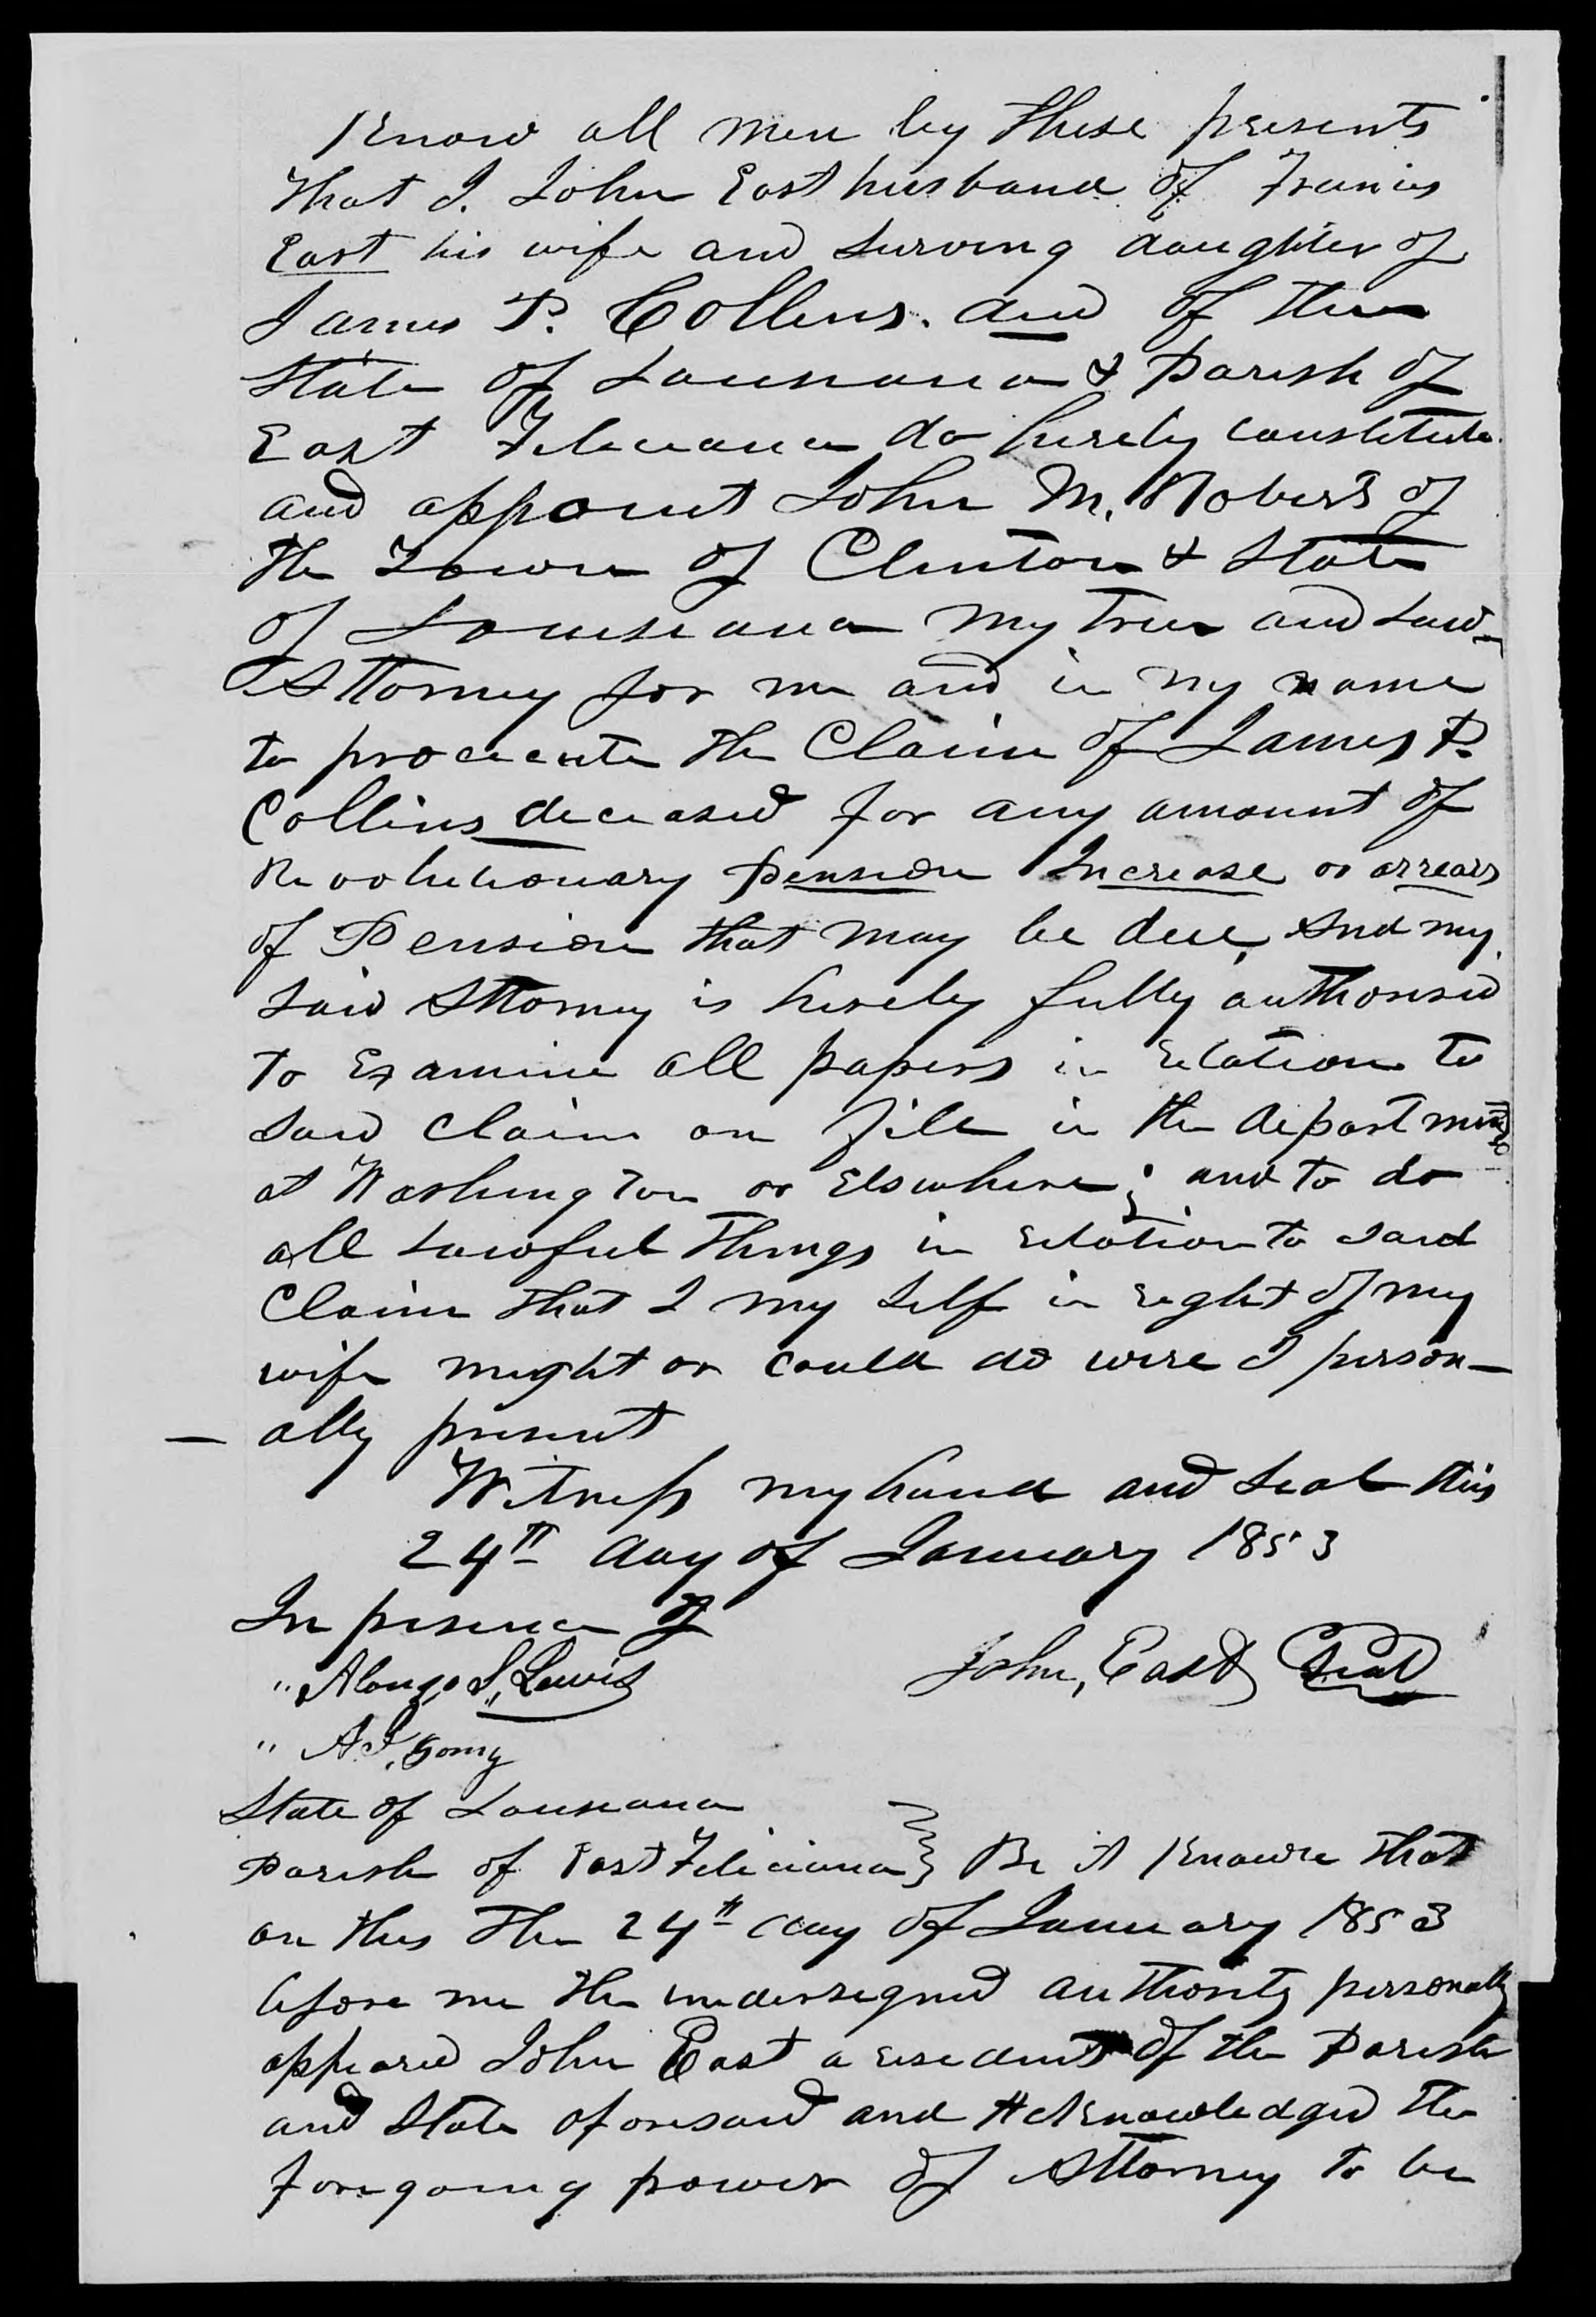Know all men by these presents that I John East husband of Francis East his wife and surviving daughter of James P. Collins dcd of the State of Louisa & Parish of East Feliciana do hereby constitute and appoint John M. Roberts of the Town of Clinton & State of Louisiana my true and Lawful Attorney for me and in my name to prosecute the claim of James P. Collins deceased for any amount of Revolutionary pension Increase or arrears of Pension that may be due, and my
said Attorney is hereby fully authorized to examine all papers in relation to said claim on file in the department at Washington or elsewhere and to do all lawful things in relation to said claim that I myself might or could do were I personally present
[signed] John East

Witness my hand and seal this 24th day of January 1853
In presence of
Alonzo L. Lewis
A.J. Going

State of Louisiana
Parish of East Feliciana ⎬ 
Be it known that on this the 24th day of January 1853 before me the undersigned authority personally appeared John East a resident of the Parish and State aforesaid and acknowledged the
foregoing power of Attorney to be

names: James P Collins, John East, East, A J Going, Alonzo S Lewis, James P Collins, John M Roberts, John East, Francis East, John East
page: 17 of 48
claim: rejected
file: R. 2173, James P Collins, S. C.